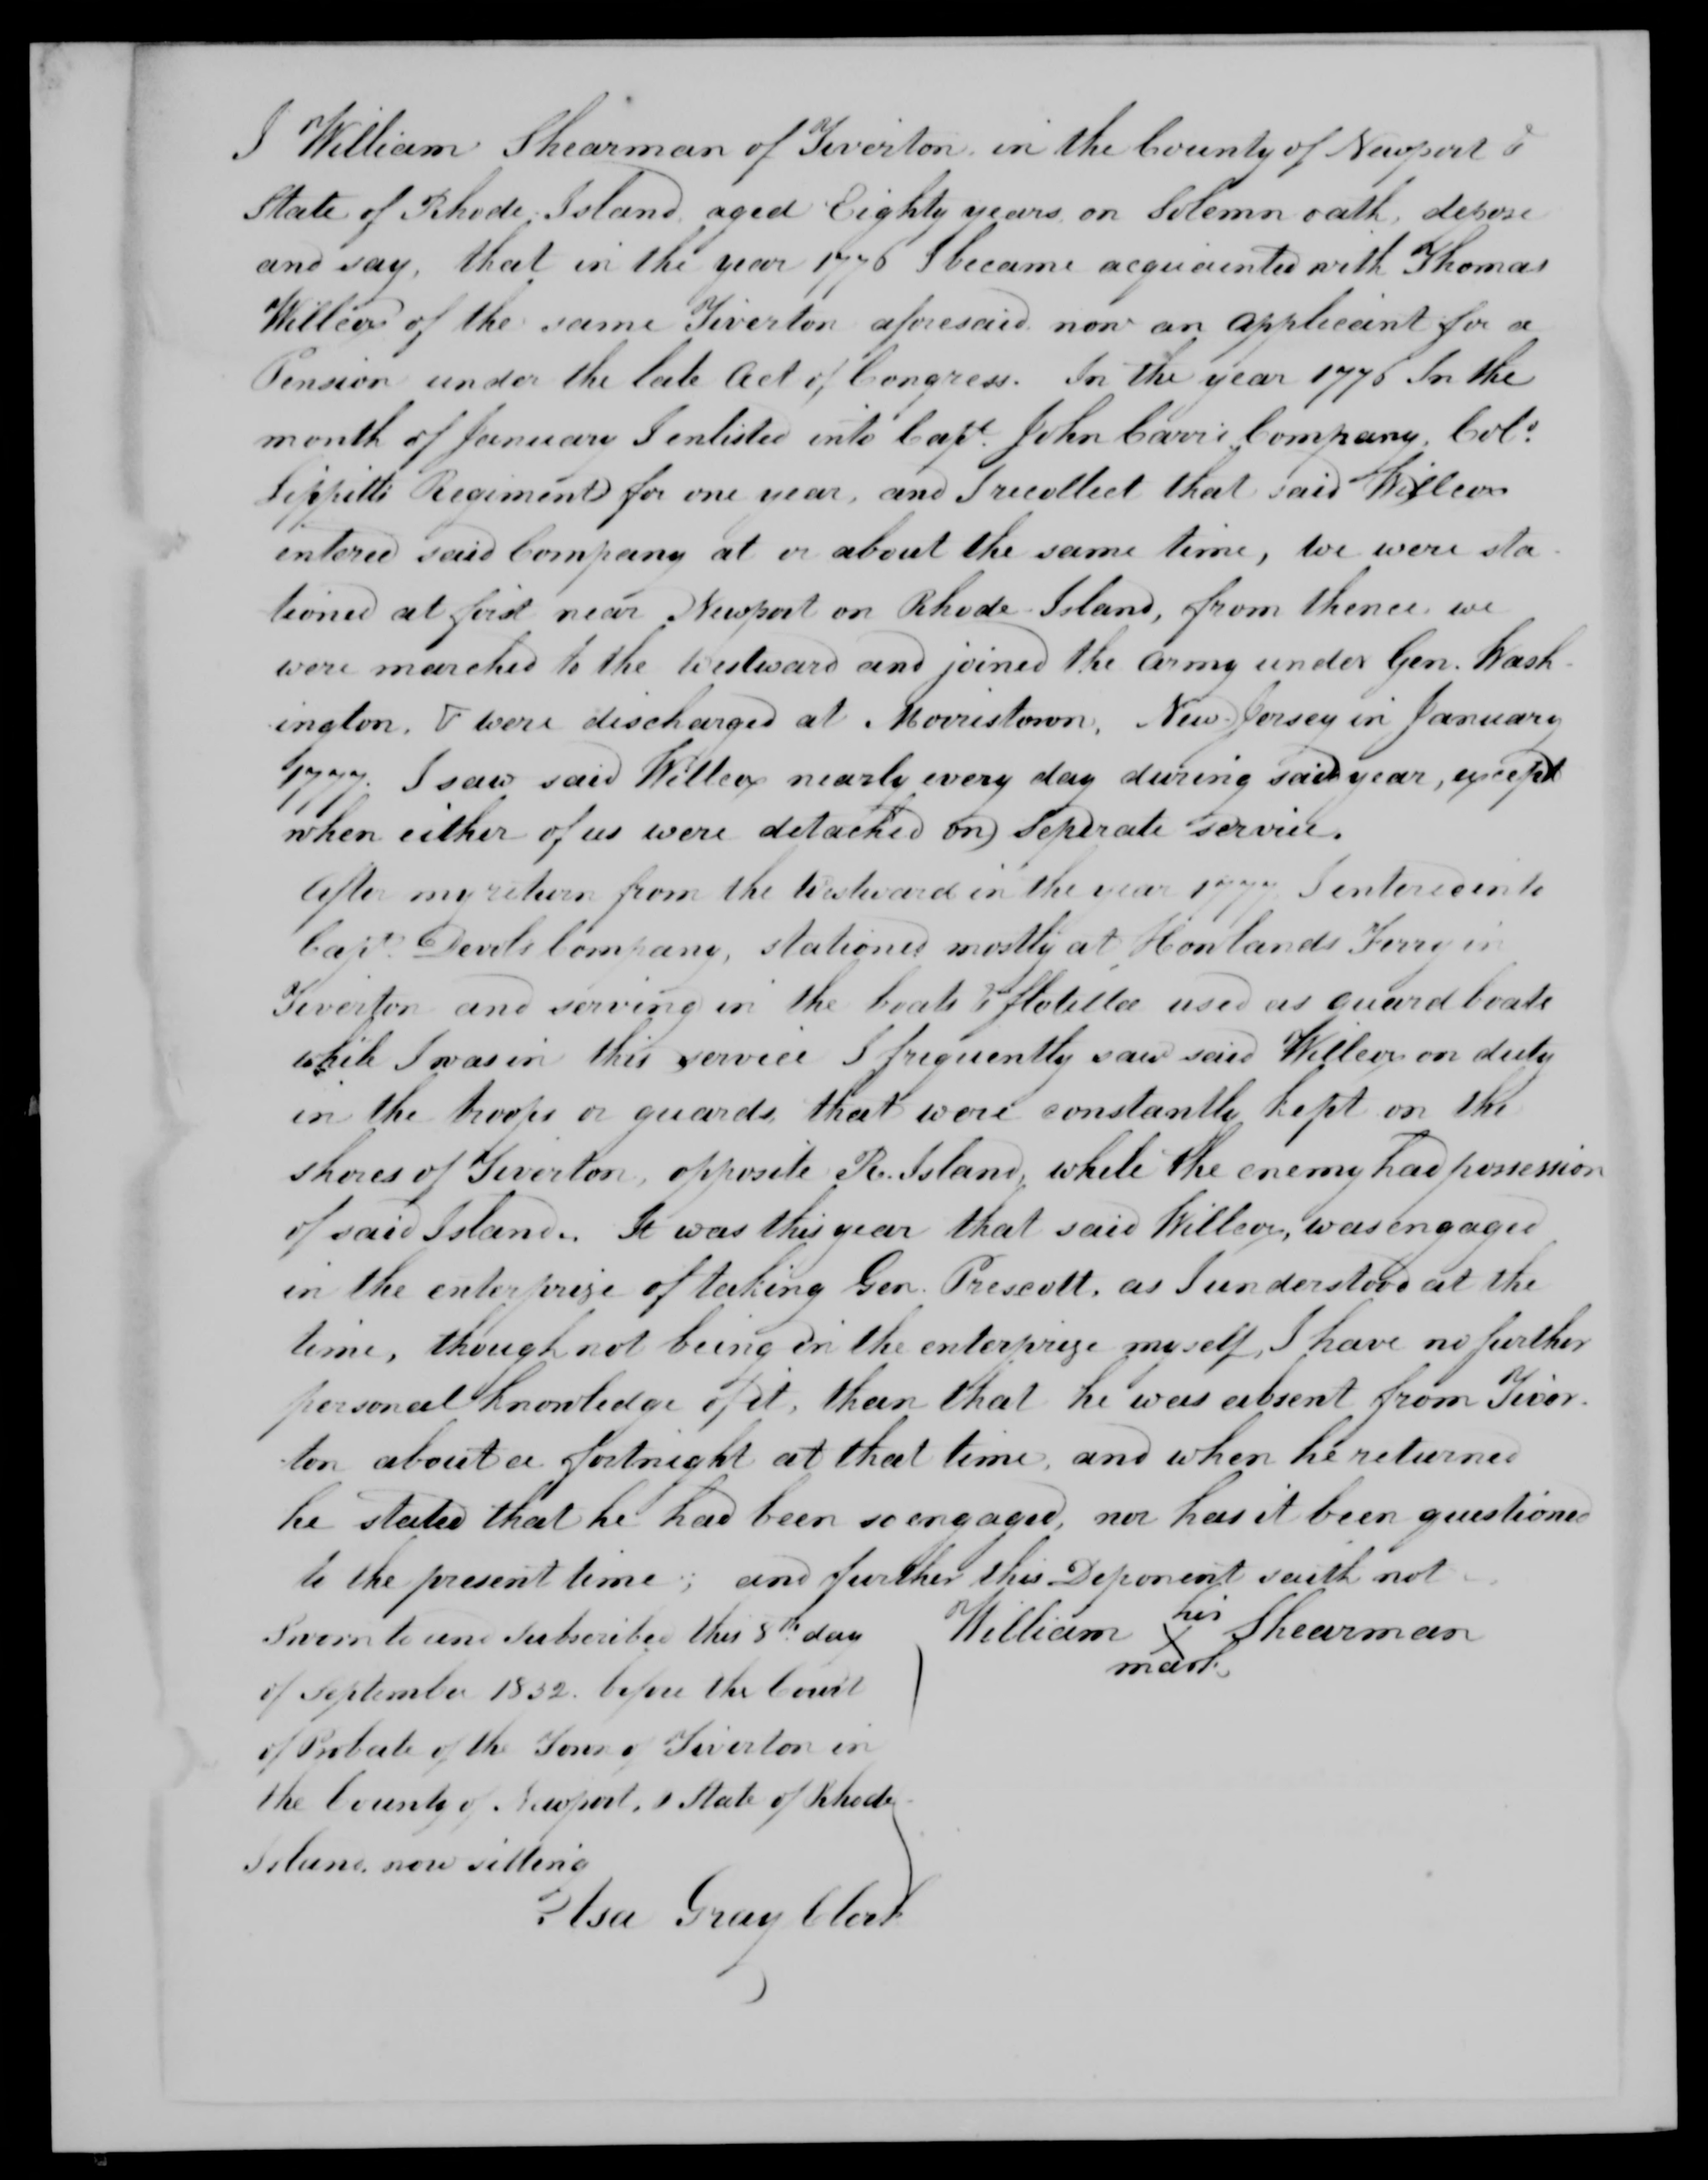I William Shearman of Tiverton in the County of Newport &
State of Rhode Island, aged Eighty years on solemn oath, depose
and say, that in the year 1776 I became acquainted with Thomas
William of the same Tiverton aforesaid now an applicant for a
Pension under the late act of Congress. In the year 1776 In the
month of January I enlisted into Capt John Carrs Company, Col.
Lippitt Recement for one year, and I recollect that said Willcox entered
said Company at or about the same time, we were stationed at fort near Newport on Rhode Island, from thence we
were marched to the westward and joined the army under Gen. Washington. & were discharged at Morristown New Jersey in January
1777. I saw said Willer nearly every day during said year, except
when either of us were detached on Seperate service
after my return from the Westward in the year 1777  I entered into
Capt Devils Company, stationed mostly at Howlands Ferry in
Tiverton and serving in the boat & flotiller used as guard boats
while I was in this service I frequently saw said Willer on duly
in the troops or guards, that were constantly kept on the
shores of Tiverton, opposite R. Island, while the enemy had possession
of said Island. It was this year that said Willcox, was engaged
in the enterprise of taking Gen. Prescott, as I understood at the
time, though not being in the enterprize myself, I have no further personal knowledge of it, than that he was absent from Tiverton about a fortnight at that time, and when he returned
he stated that he had been so engaged, nor has it been questioned
to the present time; and further this Deponent saith notice
William  Shearman 
his mark X

Sworn to and subscribed this 8th day 
of September 1832 before the Court
of Probate of the Town of Tiverton in
the County of Newport, State of Rhode
solum, now sitting
Asa Gray Clerk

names: William Shearman, Washington, Asa Gray, Thomas Willcox, Prescott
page: 12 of 39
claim: widow's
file: W. 26046, Thomas Willcox, R.I.